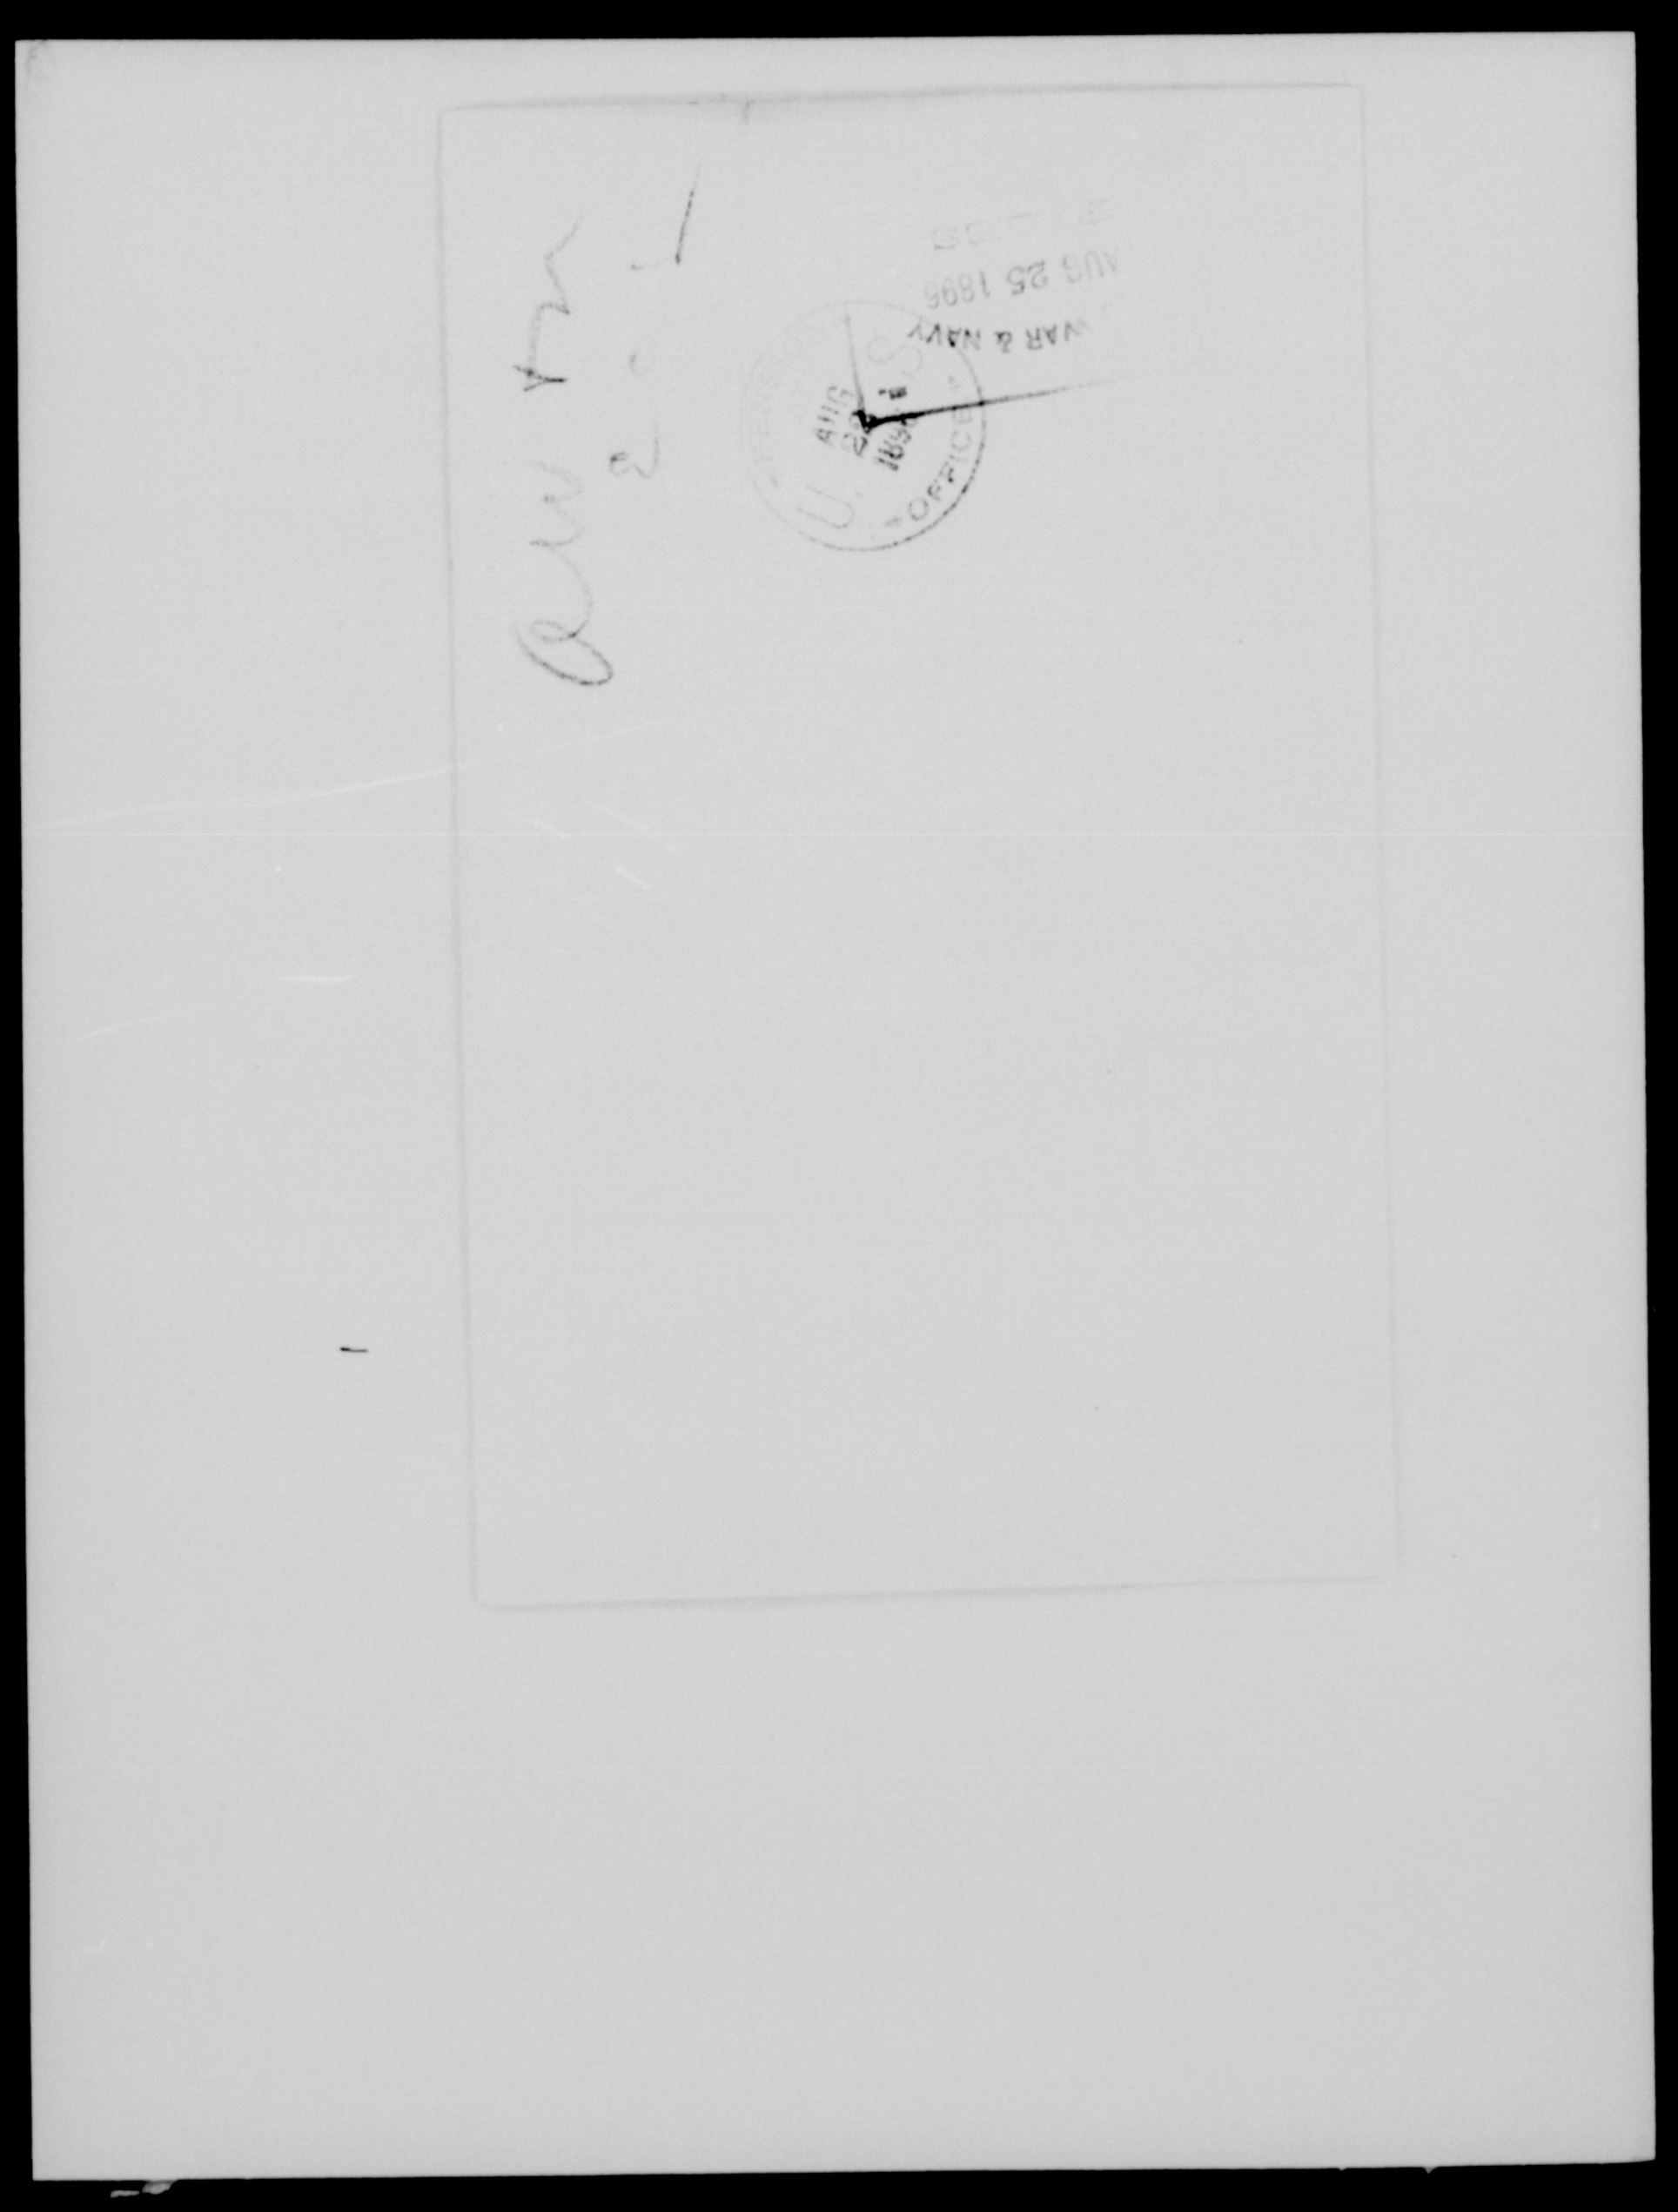[stamp] U.S. Pension Office AUG 22 1896

[stamp] Old War & Navy Files AUG 25 1896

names: [BLANK]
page: 18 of 23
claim: survivor's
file: S. 23008, for Benjamin Stage, New York